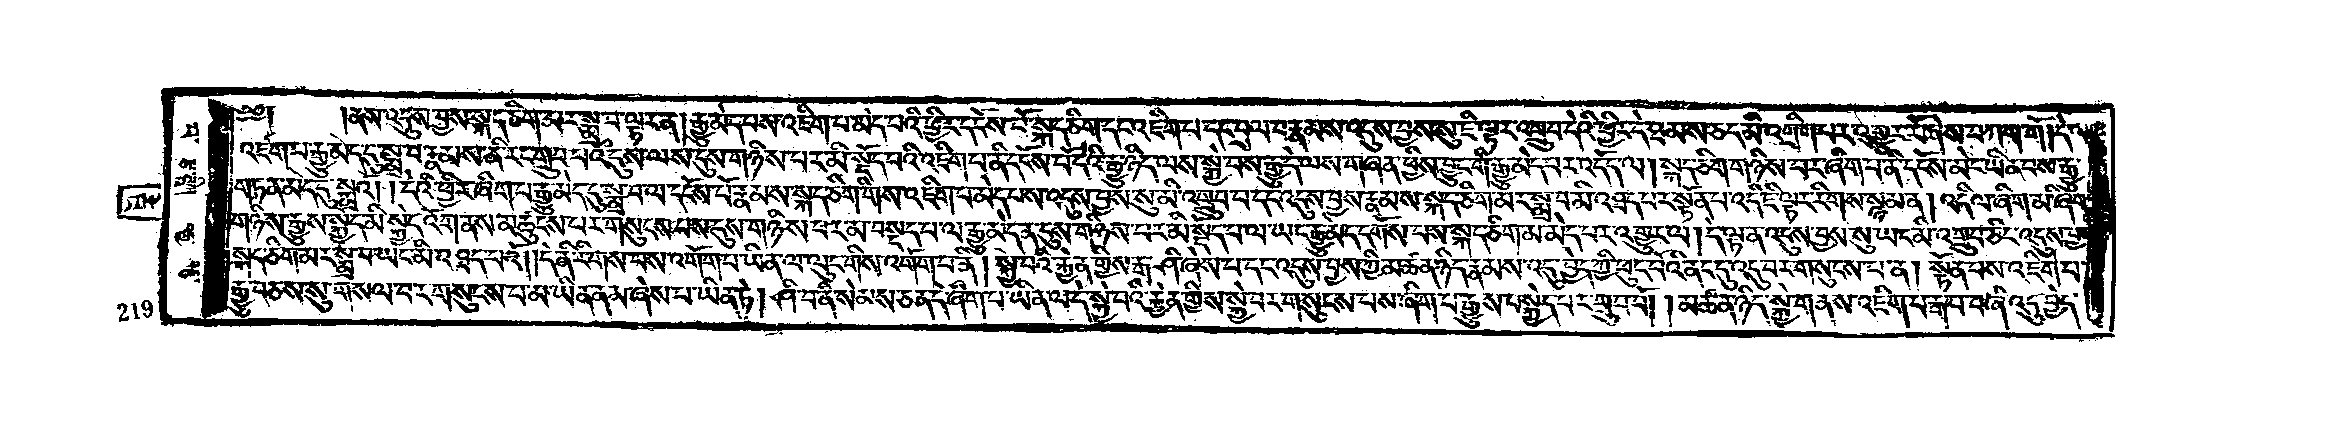༄༅། །ནས་འདུས་བྱས་སྐད་ཅིག་མར་སྨྲ་བ་ལྟར་ན། རྒྱུ་མེད་པས་འཇིག་པ་མེད་པའི་ཕྱིར་དངོས་པོ་སྐད་ཅིག་དང་འཇིག་པ་དང་བྲལ་བ་རྣམས་འདུས་བྱས་སུ་ཇི་ལྟར་འགྲུབ་དེའི་ཕྱིར་དེ་ཐམས་ཅད་མི་འགྲིག་པར་འགྱུར་རོ་ཞེས་བཀག་གོ །དེ་ལ་
འཛག་པ་རྒྱུ་མེད་དུ་སྨྲ་བ་རྣམས་ནི་རང་གྲུབ་པའི་དུས་ལས་དུས་གཉིས་པར་མི་སྡོད་པའི་འཇིག་པ་ནི་དངོས་པོ་དེའི་རྒྱུ་ཉིད་ལས་སྐྱེ་བས་རྒྱུ་དེ་ལས་གཞན་ཕྱིས་བྱུང་གི་རྒྱུ་མེད་པར་འདོད་ལ། སྐད་ཅིག་གཉིས་པར་ཞིག་པ་ནི་དངོས་མེད་ཡིན་པས་རྒྱུ་
གཏན་མད་དུ་སྨྲའོ། །དེའི་ཕྱིར་ཞིག་པ་རྒྱུ་མེད་དུ་སྨྲ་བ་ལ་དངོས་པོ་རྣམས་སྐད་ཅིག་གིས་འཇིག་པ་མེད་པས་འདུས་བྱས་སུ་མི་འགྲུབ་པ་དང་འདུས་བྱས་རྣམས་སྐད་ཅིག་མར་སྨྲ་བ་མི་འཐད་པར་སྟོན་པ་འདི་ཇི་ལྟར་རིགས་སྙམ་ན། འདི་ལ་ཞིག་མི་ཞིག་
གཉིས་རྒྱུས་སྐྱེད་མི་སྐྱེད་འོག་ནས་མཚུངས་པར་གསུངས་པས་དུས་གཉིས་པར་མ་བསྡད་པ་ལ་རྒྱུ་མེད་ན་དུས་གཉིས་པར་མི་སྡོད་པ་ལ་ཡང་རྒྱུ་མེད་དགོས་པས་སྐད་ཅིག་མ་མེད་པར་འགྱུར་གོས་པས་སྐད་ཅིག་མ་མེད་པར་འགྱུར་ལ། དེ་ལྟ་ན་འདུས་བྱས་སུ་ཡང་མི་འགྲུབ་ཅིང་འདུས་བྱས་
སྐད་ཅིག་མར་སྨྲ་བ་ཡང་མི་འཐད་པའོ། །དེ་ནི་རིགས་པས་འགོག་པ་ཡིན་ལ་ལུང་གིས་འགོག་པ་ནི། སྱ་བའི་རྐྱེན་གྱིས་རྒ་ཤི་ཞེས་པ་དང་འདུས་བྱ་ཀྱི་མཚན་ཉིད་རྣམས་འདུ་བྱེད་ཀྱི་ཕུང་བའི་ནང་དུ་འདུ་བར་གསུངས་པ་ན། སྟོནྤས་འཇིག་པ་
རྒྱུ་བཅས་སུ་གསལ་བར་གསུངས་པ་མ་ཡིན་ནམ་ཞེས་པ་ཡིན་ཏེ། ཤི་བ་ནི་སེམས་ཅན་དེ་ཞིག་པ་ཡིན་ལ་དེ་སྐྱེ་བའི་རྐྱེན་གྱིས་སྐྱེ་བར་གསུངས་པས་ཞིག་པ་རྒྱུས་བསྐྱེད་པར་གྲུབ་བོ། །མཚན་ཉིད་སྙེ་གནས་འཇིག་པ་རྒ་བ་བཞི་འདུ་བྱེད་